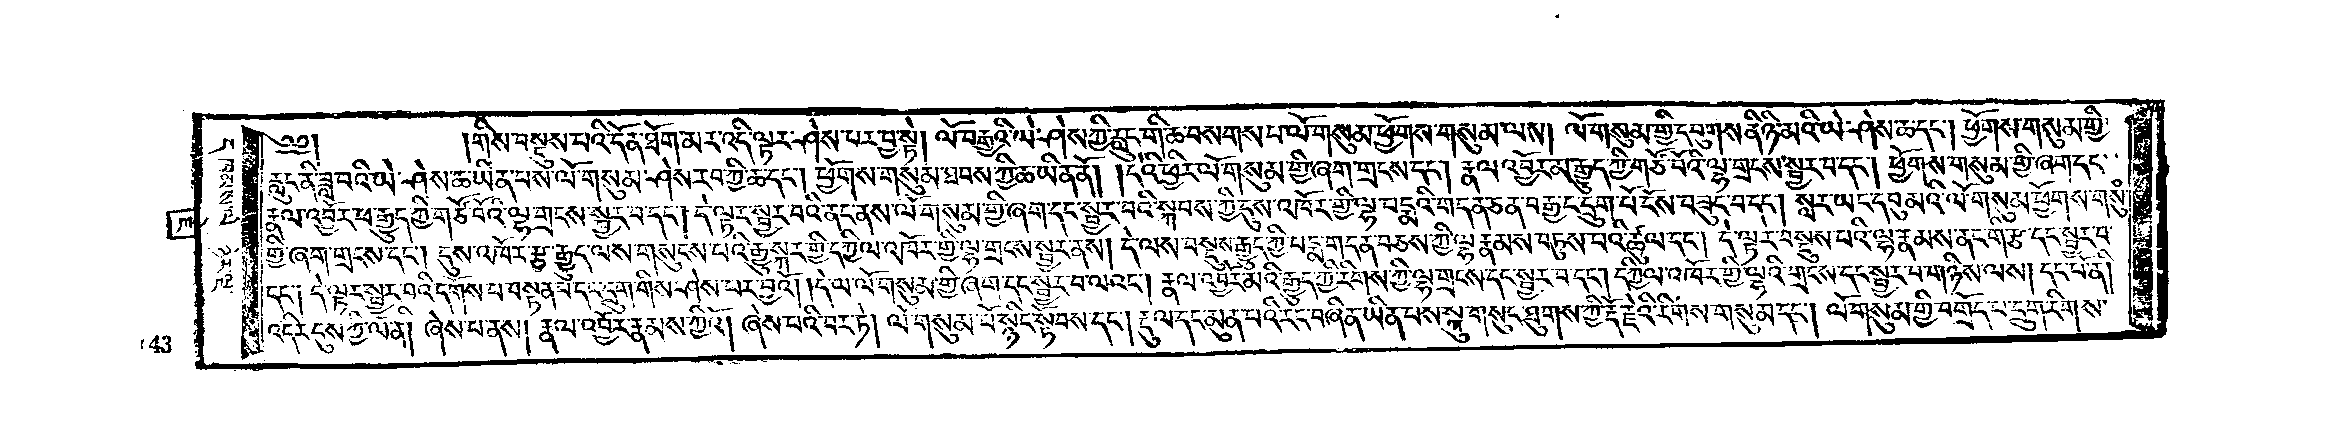༄༅། །གིས་བསྡུས་པའི་དོན་ཐོག་མར་འདི་ལྟར་ཤེས་པར་བྱ་སྟེ། ལོ་བརྒྱའི་ཡེ་ཤེས་ཀྱི་རླུང་གི་ཆ་བསགས་པ་ལོ་གསུམ་ཕྱོགས་གསུམ་ལས། ལོ་གསུམ་གྱི་དབུགས་ནི་ཉི་མའི་ཡེ་ཤེས་ཆ་དང་། ཕྱོགས་གསུམ་གྱི་
རླུང་ནི་ཟླ་བའི་ཡེ་ཤེས་ཆ་ཡིན་པས་ལོ་གསུམ་ཤེས་རབ་ཀྱི་ཆ་དང་། ཕྱོགས་གསུམ་ཐབས་ཀྱི་ཆ་ཡིན་ནོ། །དེའི་ཕྱིར་ལོ་གསུམ་གྱི་ཞག་གྲངས་དང་། རྣལ་འབྱོར་མ་རྒྱུད་ཀྱི་གཙོ་བོའི་ལྷ་གྲངས་སྦྱར་བ་དང་། ཕྱོགས་གསུམ་གྱི་ཞག་དང་
རྣལ་འབྱོར་ཕ་རྒྱུད་ཀྱི་གཙོ་བོའི་ལྷ་གྲངས་སྦྱར་བ་དང་། དེ་ལྟར་སྦྱར་བའི་ནང་ནས་ལོ་གསུམ་གྱི་ཞག་དང་སྦྱར་བའི་སྐབས་ཀྱི་དུས་འཁོར་གྱི་ལྷ་པདམའི་གདན་ཅན་བརྒྱ་ང་དྲུག་པོ་ངོས་བཟུང་བ་དང་། སླར་ཡང་དབུ་མའི་ལོ་གསུམ་ཕྱོགས་གསུཾ་
གྱི་ཞག་གྲངས་དང་། དུས་འཁོར་རྩ་རྒྱུད་ལས་གསུངས་པའི་རྒྱུ་སྐར་གྱི་དཀྱིལ་འཁོར་གྱི་ལྷ་གྲངས་སྦྱར་ནས། དེ་ལས་བསྡུས་རྒྱུད་ཀྱི་པདམ་གདན་བཅས་ཀྱི་ལྷ་རྣམས་བཏུས་པའི་ཚུལ་དང་། དེ་ལྟར་བསྡུས་པའི་ལྷ་རྣམས་ནང་གི་རྩ་དང་སྦྱར་བ་
དང་། དེ་ལྟར་སྦྱར་བའི་དགོས་པ་བསྟན་པ་དང་དྲུག་གིས་ཤེས་པར་བྱའོ། །དེ་ལ་ལོ་གསུམ་གྱི་ཞག་དང་སྦྱར་བ་ལའང་། རྣལ་འབྱོར་མའི་རྒྱུད་ཀྱི་རིགས་ཀྱི་ལྷ་གྲངས་དང་སྦྱར་བ་དང་། དཀྱིལ་འཁོར་གྱི་ལྷའི་གྲངས་དང་སྦྱར་བ་གཉིས་ལས། དང་པོ་ནི།
འདིར་དུས་ཀྱི་ལོ་ནི། ཞེས་པ་ནས། རྣལ་འབྱོར་རྣམས་ཀྱིའོ། ཞེས་པའི་བར་ཏེ། ལོ་གསུམ་པོ་སྙིང་སྟོབས་དང་། རྡུལ་དང་མུན་པའི་རང་བཞིན་ཡིན་པས་སྐུ་གསུང་ཐུགས་ཀྱི་རྡོ་རྗེའི་རིགས་གསུམ་དང་། ལོ་གསུམ་གྱི་བགྲོད་པ་དྲུག་རིགས་